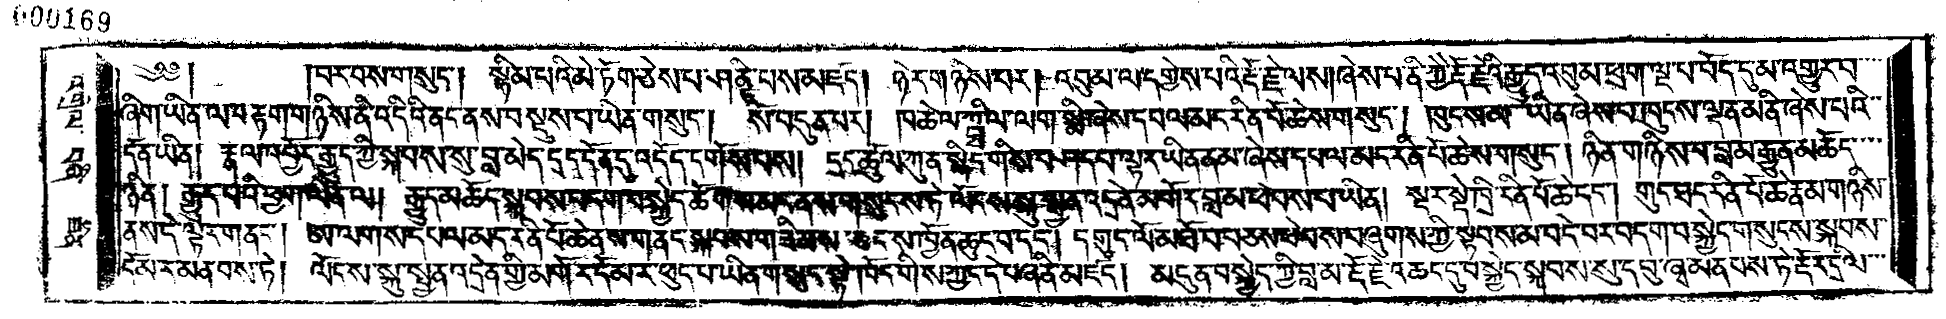༄༅། །བར་བས་གསུང་། སྙིམ་པའི་མེ་ཏོག་ཅེས་པ་ཤནྟི་པས་མཛད། ཉེར་གཉིས་བར། འབུམ་ལ་དགྱེས་པའི་རྡོ་རྗེ་ལས། ཞེས་པ་ནི་ཀྱཻ་རྡོ་རྗེའི་རྒྱུད་འབུམ་ཕྲག་ལྔ་པ་བོད་དུ་མ་འགྱུར་བ་
ཞིག་ཡིན་ལ་བརྟག་གཉིས་ནི་འདིའི་ནང་ནས་བསྡུས་པ་ཡིན་གསུང་། སོ་བདུན་པར། ཁ་ཆེ་ལ་ཀྦྭིལ་?་ལག་སྨི་ཞེས་དཔལ་མང་རིན་པོ་ཆེས་གསུང་། ཁུངས་མ་ཡིན་ཞེས་པ་ཁུངས་ལྡན་མིན་ཞེས་པའི་
དོན་ཡིན། རྣལ་འབྱོར་རྒྱུད་ཀྱི་སྐབས་སུ་བླ་མེད་དྲང་དོན་དུ་འདོད་དགོས་པས། དྲང་ཚུལ་ཀུན་སྙིང་གིས་བཤད་པ་ལྟར་ཡིན་ནམ་ཞེས་དཔལ་མང་རིན་པོ་ཆེས་གསུང་། ཉིན་གཉིས་པ་བླ་མ་རྒྱུན་མཆོད་
ཉིན། རྒྱུད་པའི་ཕྱག་ལེན་ལ། རྒྱུད་མཆོད་སྐབས་བདག་བསྐྱེད་ཚོགས་མང་ནས་གསུངས་ཏེ་ལོངས་སྐུ་སྤྱན་འདྲེན་མགོར་བླ་མ་ཕེབས་པ་ཡིན། སྔར་སྡེ་ཁྲི་རིན་པོ་ཆེ་དང་། གུང་ཐང་རིན་པོ་ཆེ་རྣམ་གཉིས་
ནས་དེ་ལྟར་གནང་། ཨ་ལགས་དཔལ་མང་རིན་པོ་ཆེ་ནས་གནང་སྐབས་གཟིམས་ཆུང་ས་ཁྱོན་ཆུང་བ་དང་། དགུང་ལོ་མཐོ་བ་བཅས་ཕེབས་བཞུགས་ཀྱི་སྟབས་མ་བདེ་བར་བདག་བསྐྱེད་གསུངས་སྐབས་
དོམ་ར་མནབས་ཏེ། ལོངས་སྐུ་སྤྱན་འདྲེན་གྱི་མགོར་དོམ་ར་ཕུད་པ་ཡིན་གསུང་སྟེ་ཁོང་གིས་ཀྱང་དེ་བཞིན་མཛད། མདུན་བསྐྱེད་ཀྱི་བླ་མ་རྡོ་རྗེ་འཆང་དུ་བསྐྱེད་སྐབས་སུ་དབུ་ཞྭ་མན་པས་ཏེ་རྡོར་དྲིལ་